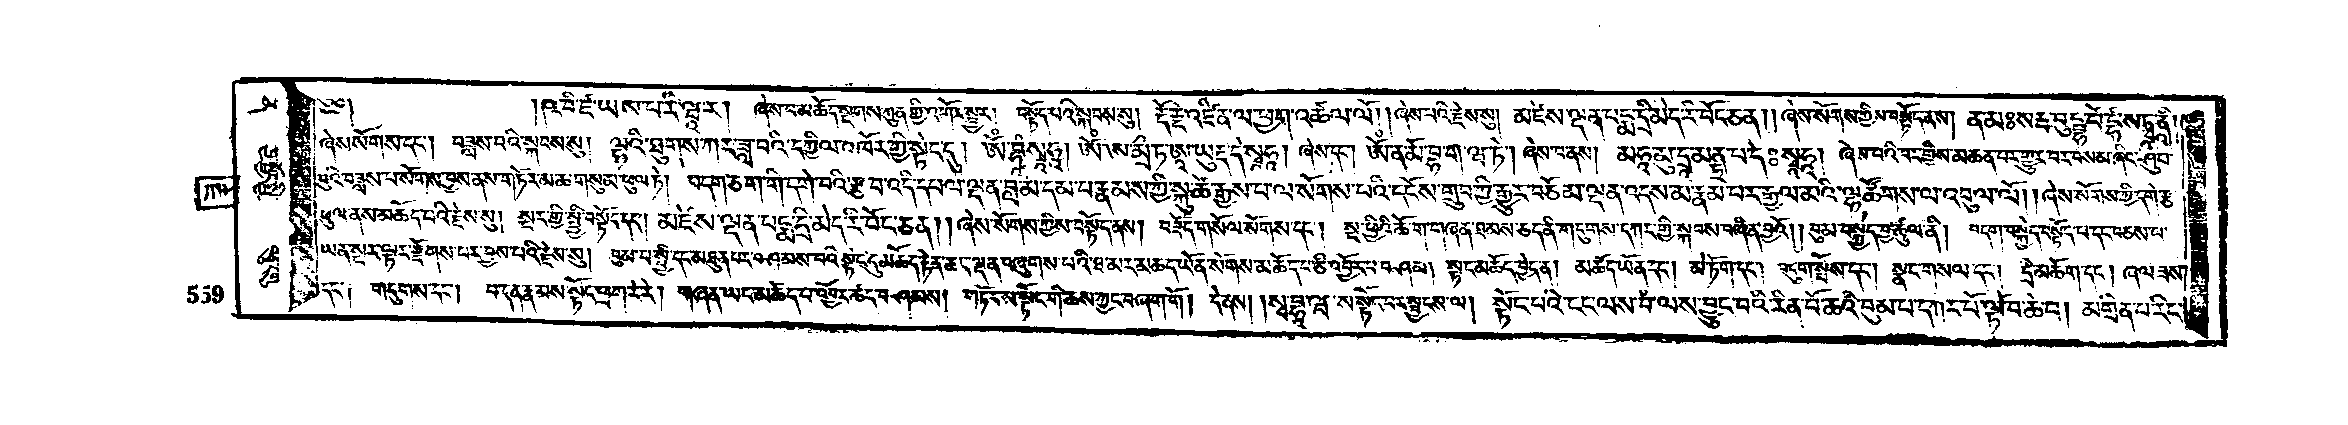༄༅། །ཥ་བི་ཛ་ཡ་ས་པ་རི་ཝཱ་ར། ཞེས་པ་མཆོད་སྔགས་ཀུན་གྱི་འགོར་སྦྱར། བསྟོད་པའི་སྐབས་སུ། རྡོ་རྗེ་འཛིན་ལ་ཕྱག་འཚལ་ལོ། ། ཞེས་པའི་རྗེས་སུ། མཛེས་ལྡན་པདམ་དྲི་མེད་རི་བོང་ཅན། ། ཞེས་སོགས་ཀྱིས་བསྟོད་ནས། ན་མཿ སརྦ་བུདྡྷ་བོ་དྷི་སཏྭ་ནཱི།
ཞེས་སོགས་དང་། བཟླས་བའི་སྐབས་སུ། ལྷའི་ཐུགས་ཀར་ཟླ་བའི་དཀྱིལ་འཁོར་གྱི་སྟེང་དུ། ཨོཾ་བྷཱུཾ་སྭཱཧཱ། ཨོཾ་ཨ་མྲྀ་ཏ་ཨཱ་ཡུརྡ་དེ་སྭཱཧཱ། ཞེས་དང། ཨོཾ་ན་མོ་བྷ་ག་ཝ་ཏེ། ཞེས་པ་ནས། མཧཱ་མུ་དྲཱ་མནྟྲ་པ་དེཿ སྭཱཧཱ། ཞེས་པའི་བར་གྱིས་མཚན་པར་གྱུར་བར་བསམ་ཞིང་ཤུ་པ་
བུའི་བཟླས་པ་སོགས་བྱས་ནས་གཏོར་མ་ཆ་གསུམ་ཕུལ་ཏེ། བདག་ཅག་གི་དགེ་བའི་རྩ་བ་འདི་དཔལ་ལྡན་བླ་མ་དམ་པ་རྣམས་ཀྱི་སྐུ་ཚེ་རྒྱས་པ་ལ་སོགས་པའི་དངོས་གྲུབ་ཀྱི་རྒྱུར་བཅོམ་ལྡན་འདས་མ་རྣམ་པར་རྒྱལ་མའི་ལྷ་ཚོགས་ལ་འབུལ་ལོ། །ཞེས་སོགས་ཀྱི་དགེ་རྩ་
ཕུལ་ནས་མཆོད་པའི་རྗེས་སུ། སྔར་གྱི་སྤྱི་བསྟོད་དང་། མཛེས་ལྡན་པདམ་དྲི་མེད་རི་བོང་ཅན། །ཞེས་སོགས་ཀྱིས་བསྟོད་ནས། བཟོད་གསོལ་སོགས་དང་། སྔ་ཕྱིའི་ཆོ་ག་གཞན་ཐམས་ཅད་ནི་གདུགས་དཀར་གྱི་སྐབས་བཞིན་བྱའོ། །བུམ་བསྐྱེད་བྱ་ཚུལ་ནི། བདག་བསྐྱེད་བསྟོད་པ་དང་བཅས་པ་
ཡན་སྔར་ལྟར་རྫོགས་པར་བྱས་པའི་རྗེས་སུ། བུམ་པ་སྤྱི་དང་མཐུན་པར་བཤམས་པའི་སྟེང་དུ་མཆོད་རྟེན་ཆད་ལྡན་བཞུགས་པའི་ཐ་མར་མཆོད་ཡོན་སོགས་མཆོད་པ་ཅི་འབྱོར་པ་བཤམ། སྟང་མཆོད་བྱེད་ན། མཆོད་ཡོན་དང་། མེ་ཏོག་དང་། བདུག་སྤོས་དང་། སྣང་གསལ་དང་། དྲི་མཆོག་དང་། ཞལ་ཟས་
དང༑ གདུགས་དང་། བ་དན་རྣམས་སྟོང་ཕྲག་རེ་རེ། གཞན་ཡང་མཆོད་པ་འབྱོར་ཚད་བཤམས། གཏོར་མ་སྟོང་གི་ཆས་ཀྱང་བཞག་གོ །དེ་ནས། །སྭ་བྷཱ་ཝ་ས་སྟོང་པར་སྦྱངས་ལ། སྟོང་པའི་ངང་ལས་བཾ་ལས་བྱུང་བའི་རིན་པོ་ཆེའི་བུམ་པ་དཀར་པོ་ལྟོ་བ་ཆེ་བ། མགྲིན་པ་རིང་